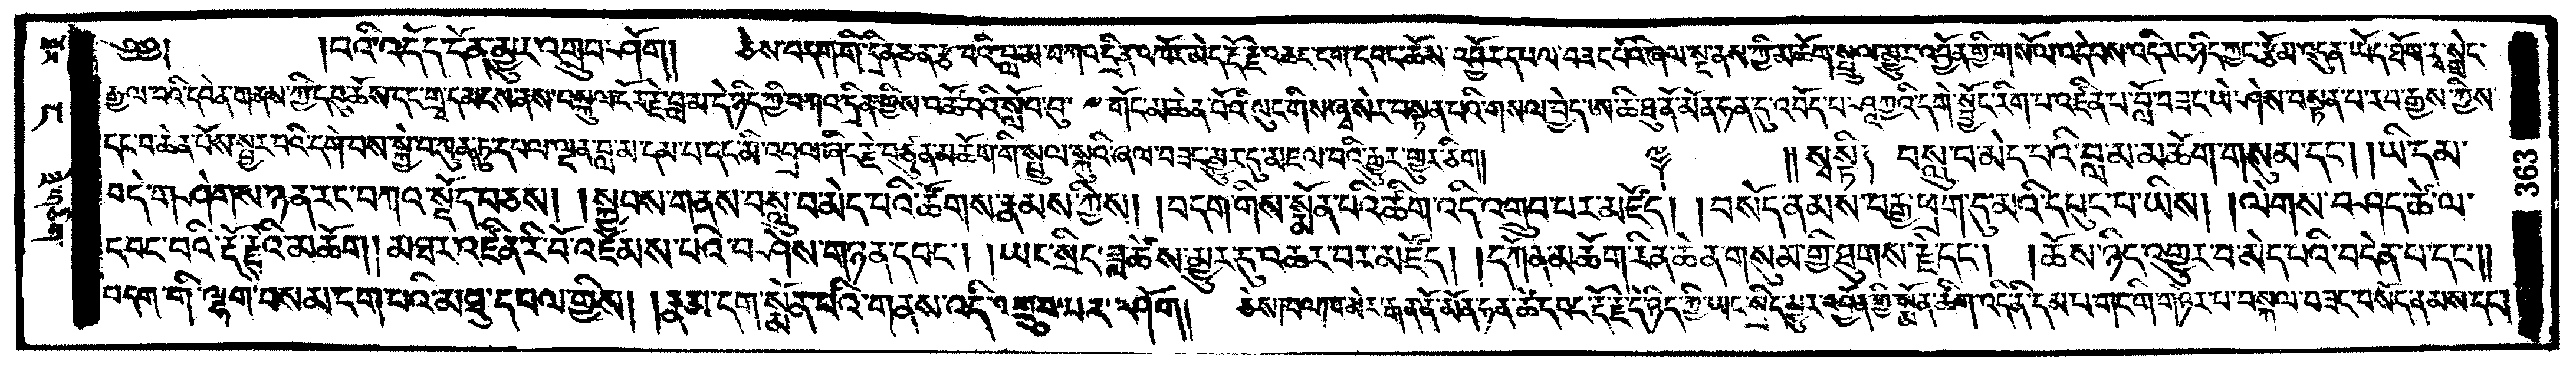༄༅། །བའི་འདོད་དོན་མྱུར་འགྲུབ་ཤོག །ཅེས་བདག་གི་དྲིན་ཅན་རྩ་བའི་བླ་མ་བཀའ་དྲིན་འཁོར་མེད་རྡོ་རྗེ་འཆང་ངག་དབང་ཆོས་འབྱོར་དཔལ་བཟང་པོའི་ཞལ་སྔ་ནས་ཀྱི་མཆོག་སྤྲུལ་མྱུར་འབྱོན་གྱི་གསོལ་འདེབས་འདི་རང་ཉིད་ཀྱང་རྩོམ་འདུན་ཡོད་ཐོག་རྭ་སྒྲེང་
རྒྱལ་བའི་དབེན་གནས་ཀྱི་དབུ་ཆོས་དང་གྲྭ་དམངས་ནས་བསྐུལ་ངོར་རྗེ་བླ་མ་དེ་ཉིད་ཀྱི་བཀའ་དྲིན་གྱིས་འཚོ་བའི་སློབ་བུ ༧་གོང་མ་ཆེན་པོའི་ལུང་གིས་ཞྭ་སེར་བསྟན་པའི་གསལ་བྱེད་ཨ་ཆི་ཐུ་ནོ་མོན་ཧན་དུ་འབོད་པ་ཤཱཀྱའི་དགེ་སྦྱོང་རིག་པ་འཛིན་པ་བློ་བཟང་ཡེ་ཤེས་བསྟན་པ་རབ་རྒྱས་ཀྱིས་
དང་བ་ཆེན་པོས་སྦྱར་བའི་དགེ་བས་སྐྱེ་བ་ཀུན་ཏུ་དཔལ་ལྡན་བླ་མ་དམ་པ་དང་མི་འབྲལ་ཞིང་རྗེ་བཙུན་མཆོག་གི་སྤྲུལ་སྐུའི་ཞལ་བཟང་མྱུར་དུ་མཇལ་བའི་རྒྱུར་གྱུར་ཅིག། ༈ །།སྭསྟི། བསླུ་བ་མེད་པའི་བླ་མ་མཆོག་གསུམ་དང་། །ཡི་དམ་
བདེ་གཤེགས་ཉན་རང་བཀའ་སྡོད་བཅས། །སྐྱབས་གནས་བསླུ་བ་མེད་པའི་ཚོགས་རྣམས་ཀྱིས། །བདག་གིས་སྨོན་པའི་ཚིག་འདི་འགྲུབ་པར་མཛོད། །བསོད་ནམས་བརྒྱ་ཕྲག་དུ་མའི་དཔུང་པ་ཡིས། །ལེགས་བཤད་ཚེ་ལ་
དབང་བའི་རྡོ་རྗེའི་མཆོག །མཐར་འཛིན་རི་བོ་འཇོམས་པའི་བཤེས་གཉེན་དབང་། །ཡང་སྲིད་ཟླ་ཚེས་མྱུར་དུ་འཆར་བར་མཛོད། །དཀོན་མཆོག་རིན་ཆེན་གསུམ་གྱི་ཐུགས་རྗེ་དང་། །ཆོས་ཉིད་འགྱུར་བ་མེད་པའི་བདེན་པ་དང་། །
བདག་གི་ལྷག་བསམ་དག་པའི་མཐུ་དཔལ་གྱིས། །རྣམ་དག་སྨོན་པའི་གནས་འདི་འགྲུབ་པར་ཤོག །ཅེས་ཁལ་ཁ་མེར་རྒན་ནོ་མོན་ཧན་ཚེ་དབང་རྡོ་རྗེ་དེ་ཉིད་ཀྱི་ཡང་སྲིད་མྱུར་འབྱོན་གྱི་སྨོན་ཚིག་འདི་ནི་དམ་པ་གང་གི་གཉེར་པ་བསྐལ་བཟང་བསོད་ནམས་དང་།